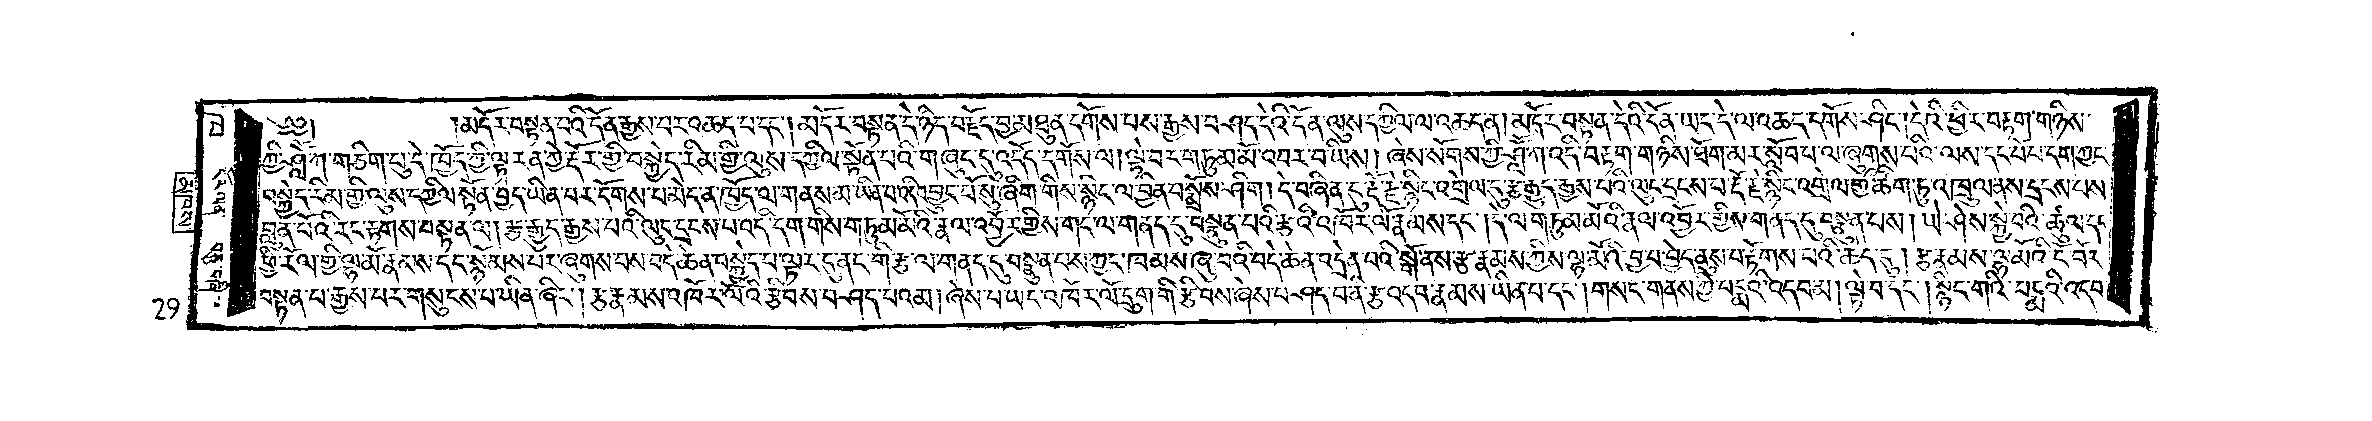༄༅། །མདོར་བསྟན་པའི་དོན་རྒྱས་པར་འཆད་པ་དང་། མདོར་བསྟན་དེ་ཉིད་བརྗོད་བྱ་མཐུན་དགོས་པས་རྒྱས་བཤད་དེའི་དོན་ལུས་དཀྱིལ་ལ་འཆད་ན། མདོར་བསྟན་དེའི་དོན་ཡང་དེ་ལ་འཆད་དགོས་ཤིང་། དེའི་ཕྱིར་བརྟག་གཉིས་
ཀྱི་ཤོ་ལོ་ཀ་གཅིག་པུ་དེ་ཁྱོད་ཀྱི་ལྟར་ན་ཀྱེ་རྡོར་གྱི་བསྐྱེད་རིམ་གྱི་ལུས་དཀྱིལ་སྟོན་པའི་གཞུང་དུ་འདོད་དགོས་ལ། ལྟེ་བར་གཏུམ་མོ་འབར་བ་ཡིས། ཞེས་སོགས་ཀྱི་ཤོ་ལོ་ཀ་འདི་བརྟག་གཉིས་ཐོག་མར་སློབ་པ་ལ་ཞུགས་པའི་ལས་དང་པོ་པ་དག་ཀྱང་
བསྐྱེད་རིམ་གྱི་ལུས་དཀྱིལ་སྟོན་བྱེད་ཡིན་པར་དོགས་པ་མེད་ན་ཁྱོད་ལ་གནས་མ་ཡིན་པ་འདི་འབྱུང་པོ་སུ་ཞིག་གིས་སྙིང་ལ་བྱིན་པ་སྨྲོས་ཤིག །དེ་བཞིན་དུ་རྡོ་རྗེ་སྙིང་འགྲེལ་དུ་རྩ་རྒྱུད་རྒྱས་པའི་ལུང་དྲངས་པ་རྡོ་རྗེ་སྙིང་འགྲེལ་གྱི་ཚིག་ཏུ་འཁྲུལ་ནས་དྲངས་པས་
བླུན་པོའི་རང་རྟགས་བསྟན་ལ། རྩ་རྒྱུད་རྒྱས་པའི་ལུང་དྲངས་པ་འདི་དག་གིས་གཏུམ་མོའི་རྣལ་འབྱོར་གྱིས་གང་ལ་གནད་དུ་བསྣུན་པའི་རྩའི་འཁོར་ལོ་རྣམས་དང་། དེ་ལ་གཏུམ་མོའི་རྣལ་འབྱོར་གྱིས་གནད་དུ་བསྣུན་པས། ཡེ་ཤེས་སྐྱེ་བའི་ཚུལ་དང་
ཕྱི་རོལ་གྱི་ལྷ་མོ་རྣམས་དང་སྙོམས་པར་ཞུགས་པས་བདེ་ཆེན་བསྐྱེད་པ་ལྟར་དུ་ནང་གི་རྩ་ལ་གནད་དུ་བསྣུན་པས་ཀྱང་ཁམས་ཞུ་བའི་བདེ་ཆེན་འདྲེན་པའི་སྒོ་ནས་རྩ་རྣམས་ཀྱིས་ལྷ་མོའི་བྱ་བ་བྱེད་ནུས་པ་རྟོགས་པའི་ཆེད་དུ། རྩ་རྣམས་ལྷ་མོའི་ངོ་བོར་
བསྟན་པ་རྒྱས་པར་གསུངས་པ་ཡིན་ཞིང་། རྩ་རྣམས་འཁོར་ལོའི་རྩིབས་བཤད་པའམ། ཞེས་པ་ཡང་འཁོར་ལོ་དྲུག་གི་རྩིབས་ཞེས་བཤད་པ་ནི་རྩ་འདབ་རྣམས་ཡིན་པ་དང་། གསང་གནས་ཀྱི་པདམའི་འདབ་མ། ལྟེ་བ་དང་། སྙིང་གའི་པདམའི་འདབ་